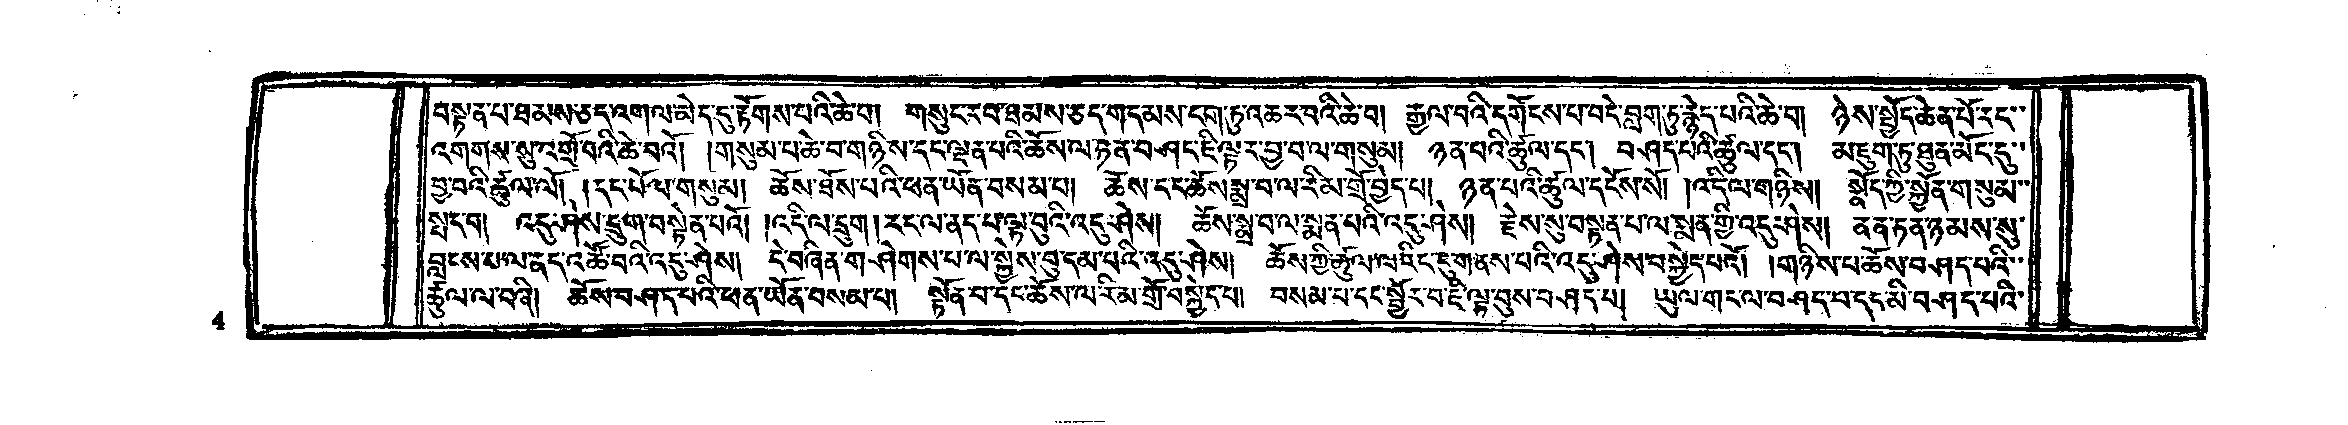བསྟན་པ་ཐམས་ཅད་འགལ་མེད་དུ་རྟོགས་པའི་ཆེ་བ། གསུང་རབ་ཐམས་ཅད་གདམས་ངག་ཏུ་འཆར་བའི་ཆེ་བ། རྒྱལ་བའི་དགོངས་པ་བདེ་བླག་ཏུ་རྙེད་པའི་ཆེ་བ། ཉེས་སྤྱོད་ཆེན་པོ་རང་
འགགས་སུ་འགྲོ་བའི་ཆེ་བའོ། །གསུམ་པ་ཆེ་བ་གཉིས་དང་ལྡན་པའི་ཆོས་ལ་ཉན་བཤད་ཇི་ལྟར་བྱ་བ་ལ་གསུམ། ཉན་པའི་ཚུལ་དང་། བཤད་པའི་ཚུལ་དང་། མཇུག་ཏུ་ཐུན་མོང་དུ་
བྱ་བའི་ཚུལ་ལོ། །དང་པོ་ལ་གསུམ། ཆོས་ཐོས་པའི་ཕན་ཡོན་བསམ་པ། ཆོས་དང་ཆོས་སྨྲ་བ་ལ་རིམ་གྲོ་བྱེད་པ། ཉན་པའི་ཚུལ་དངོས་སོ། །འདི་ལ་གཉིས། སྣོད་ཀྱི་སྐྱོན་གསུམ་
སྤང་བ། འདུ་ཤེས་དྲུག་བསྟེན་པའོ། །འདི་ལ་དྲུག །རང་ལ་ནད་པ་ལྟ་བུའི་འདུ་ཤེས། ཆོས་སྨྲ་བ་ལ་སྨན་པའི་འདུ་ཤེས། རྗེས་སུ་བསྟན་པ་ལ་སྨན་གྱི་འདུ་ཤེས། ནན་ཏན་ཉམས་སུ་
བླངས་པ་ལ་ནད་འཚོ་བའི་འདུ་ཤེས། དེ་བཞིན་གཤེགས་པ་ལ་སྐྱེས་བུ་དམ་པའི་འདུ་ཤེས། ཆོས་ཀྱི་ཚུལ་ལ་རིང་དུ་གནས་པའི་འདུ་ཤེས་བསྐྱེད་པའོ། །གཉིས་པ་ཆོས་བཤད་པའི་
ཚུལ་ལ་བཞི། ཆོས་བཤད་པའི་ཕན་ཡོན་བསམ་པ། སྟོན་པ་དང་ཆོས་ལ་རིམ་གྲོ་བསྐྱེད་པ། བསམ་པ་དང་སྦྱོར་བ་ཇི་ལྟ་བུས་བཤད་པ། ཡུལ་གང་ལ་བཤད་པ་དང་མི་བཤད་པའི་